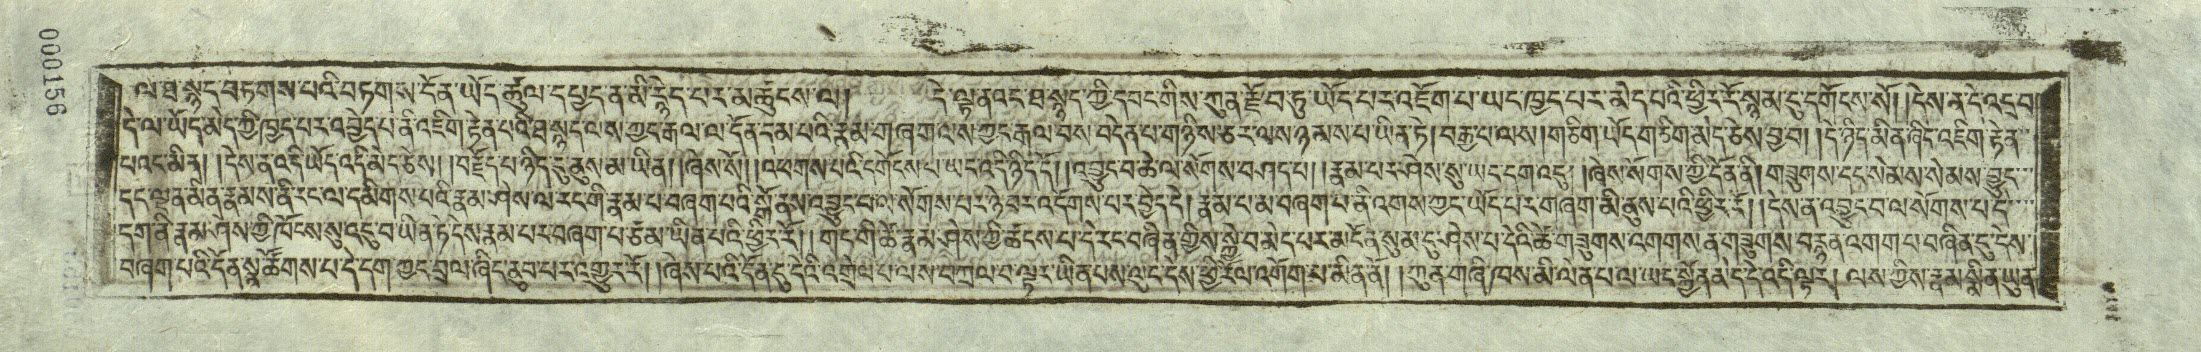ལ་ཐ་སྙད་བཏགས་པའི་བཏགས་དོན་ཡོད་ཚུལ་དཔྱད་ན་མི་རྙེད་བར་མཚུངས་ལ་། དེ་ལྟ་ནའང་ཐ་སྙད་ཀྱི་དབང་གིས་ཀུན་རྫོབ་ཏུ་ཡོད་པར་འཇོག་པ་ཡང་ཁྱད་པར་མེད་པའི་ཕྱིར་རོ་སྙམ་དུ་དགོངས་སོ། །དེས་ན་དེ་འདྲ་བ་
དེ་ལ་ཡོད་མེད་ཀྱི་ཁྱད་པར་འབྱེད་པ་ནི་འཇིག་རྟེན་པའི་ཐ་སྙད་ལས་ཀྱང་རྒལ་ལ་དོན་དམ་པའི་རྣམ་གཞག་ལས་ཀྱང་རྒལ་བས་བདེན་པ་གཉིས་ཅར་ལས་ཉམས་པ་ཡིན་ཏེ། བརྒྱ་པ་ལས། གཅིག་ཡོད་གཅིག་མེད་ཅེས་བྱ་བ། །དེ་མིན་འཇིག་རྟེན་
པའང་མིན། །དེས་ན་འདི་ཡོད་འདི་མེད་ཅེས། །བརྗོད་པ་ཉིད་དུ་ནུས་མ་ཡིན། །ཞེས་སོ། །འཕགས་པའི་དགོངས་པ་ཡང་འདི་ཉིད་དོ། །འབྱུང་བ་ཆེ་ལ་སོགས་བཤད་པ། །རྣམ་པར་ཤེས་སུ་ཡང་དག་འདུ། །ཞེས་སོགས་ཀྱི་དོན་ནི། གཟུགས་དང་སེམས་སེམས་བྱུང་
དང་ལྡན་མིན་རྣམས་ནི་རང་ལ་དམིགས་པའི་རྣམ་ཤེས་ལ་རང་གི་རྣམ་པ་བཞག་པའི་སྒོ་ནས་འབྱུང་བ་ལ་སོགས་པར་ཉེ་བར་འདོགས་པར་བྱེད་དེ། རྣམ་པ་མ་བཞག་པ་ནི་འགས་ཀྱང་ཡོད་པར་གཞག་མི་ནུས་པའི་ཕྱིར་རོ། །དེས་ན་འབྱུང་བ་ལ་སོགས་པ་དེ་
དག་ནི་རྣམ་ཤེས་ཀྱི་ཁོངས་སུ་འདུ་བ་ཡིན་ཏེ་དེས་རྣམ་པར་བཞག་པ་ཙམ་ཡིན་པའི་ཕྱིར་རོ། །གང་གི་ཚེ་རྣམ་ཤེས་ཀྱི་ཚངས་པ་དེ་རང་བཞིན་གྱིས་སྐྱེ་བ་མེད་པར་མངོན་སུམ་དུ་ཤེས་པ་དེའི་ཚེ་གཟུགས་འགགས་ན་གཟུགས་བརྙན་འགག་པ་བཞིན་དུ་དེས་
བཞག་པའི་དོན་སྣ་ཚོགས་པ་དེ་དག་ཀྱང་བྲལ་ཞིང་ནུབ་པར་འགྱུར་རོ། །ཞེས་པའི་དོན་དུ་དེའི་འགྲེལ་པ་ལས་བཀྲལ་བ་ལྟར་ཡིན་པས་ལུང་དེས་ཕྱི་རོལ་འགོག་པ་མིན་ནོ། །ཀུན་གཞི་ཁས་མི་ལེན་པ་ལ་ཡང་སྐྱོན་མེད་དེ་འདི་ལྟར། ལས་ཀྱིས་རྣམ་སྨིན་ཡུན་